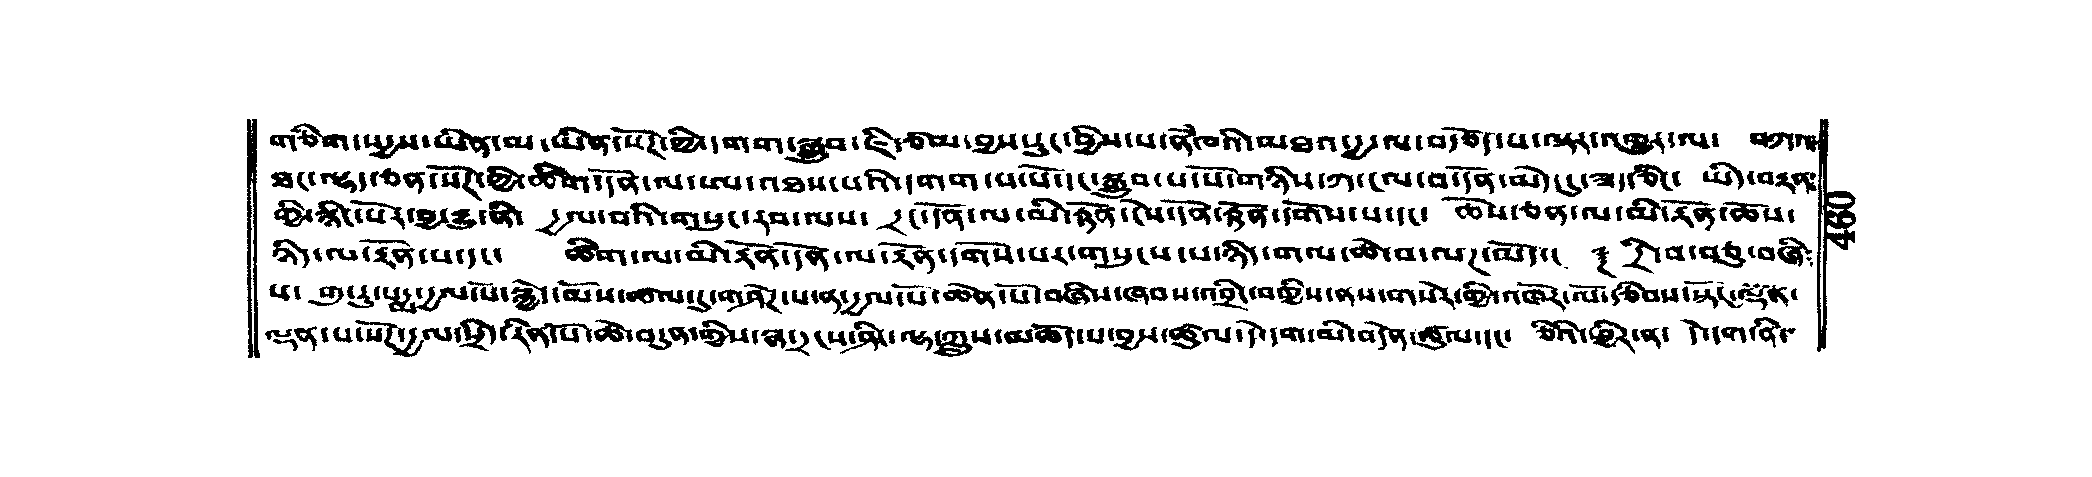གཅིག་སངས་རྒྱས་ཡིན་མ་ཡིན་སོགས་ཀྱི་དགག་སྒྲུབ་ཇི་ཙམ་བྱས་རུང་བྱིས་པ་ནམ་མཁའི་མཐའ་རྒྱ་ལ་བརྩོད་པ་ལྟར་འགྱུར་ལ། བཀའ་
ཐང་ལྷད་ཅན་སོགས་ཀྱི་ཚིག་དོན་ལ་ཨ་འཐས་པའི་དགག་པ་པོ་དང་སྒྲུབ་པ་པོ་གཉིས་ཀ་ངལ་བ་དོན་མེད་དུ་ཟད་ཅིང་།ཡིད་བརྟན་
གྱི་སྙིང་པོར་བྱ་རྒྱུ་ནི། རྒྱལ་བའི་གསུང་རབ་ལས། དྲང་དོན་ལ་མི་རྟོན་ངེས་དོན་རྟོན་དགོས་པ་དང་། ཆོས་ཅན་ལ་མི་རྟོན་ཆོས་
ཉིད་ལ་རྟོན་པ་དང་། ཚིག་ལ་མི་རྟོན་དོན་ལ་རྟོན་དགོས་པར་གསུངས་པ་ཉིད་གལ་ཆེ་བ་ལགས་མོད། ༈ དྲི་བ་བཅུ་བཞི་
པ། གུ་རུ་པདྨ་རྒྱལ་པོ་སྐྱེད་མོས་ཚལ་དུ་གཤེགས་པ་ན་རྒྱལ་པོ་ཆེན་པོ་བཞིས་ཞབས་འབྲིང་བགྱིས་ནས་གསེར་གྱི་འཁོར་ལོ་རྩིབས་སྟོང་ལྡན་
པ་སོགས་རྒྱལ་སྲིད་རིན་པོ་ཆེ་བདུན་གྱིས་སྣ་དྲངས་ཤིང་ལྷ་ཀླུས་མཆོད་པ་བྱས་ཚུལ་དེ་དག་མི་བདེན་ཚུལ་དང་། ཅིའི་ཕྱིར་ན། དེ་དག་ནི་